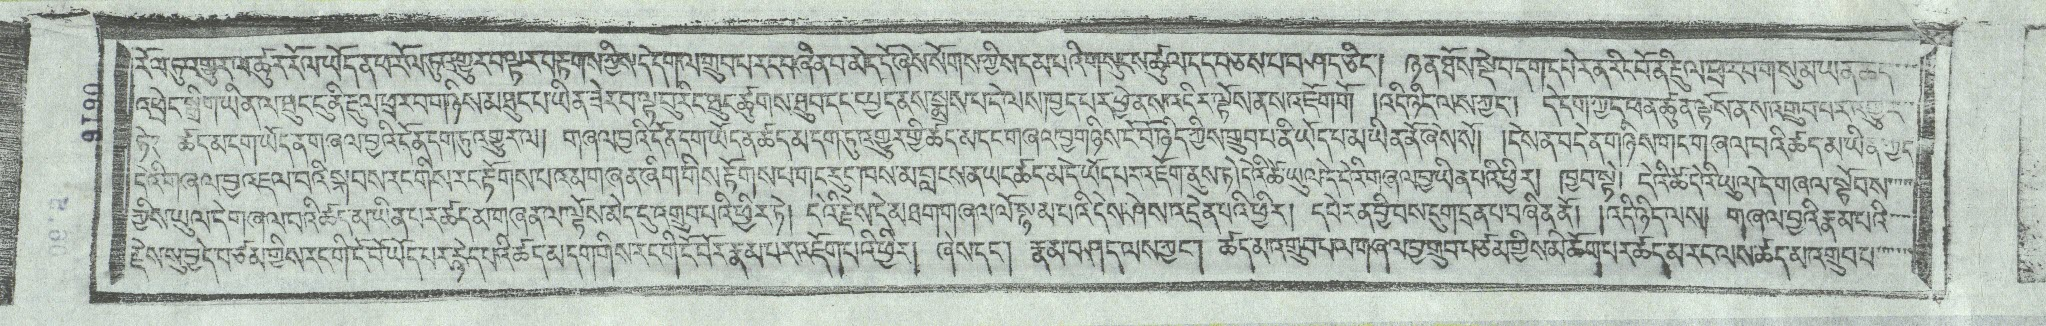རོལ་ཏུ་འགྱུར་ལ་ཚུར་རོལ་ཡོད་ན་ཕ་རོལ་ཏུ་འགྱུར་བ་ལྟར་བརྟགས་ཀྱིས་དེ་དག་ལ་གྲུབ་པ་རང་བཞིན་པ་མེད་དོ་ཞེས་སོགས་ཀྱིས་དམ་པའི་གསུངས་ཚུལ་དང་བཅས་པ་བཤད་ཅིང་། ཉན་ཐོས་སྡེབ་དག་དཔེར་ན་རིང་བོ་ནི་རྡུལ་ཕྲ་རབ་གསུམ་ཡན་ཆད་
འཕྲེང་སྒྲིག་ཡིན་ལ་ཐུང་ངུ་ནི་རྡུལ་ཕྲ་རབ་གཉིས་མཐུང་པ་ཡིན་ཟེར་བ་ལྟ་བུ་རིང་ཐུང་ཚུགས་ཐུབ་དང་དཔྱད་ནས་སྨྲས་པ་དེ་ལས་ཁྱད་པར་ཕྱེ་ནས་འདིར་ལྟོས་ནས་འཇོག་གོ །འདི་ཉིད་ལས་ཀྱང་། དེ་དག་ཀྱང་ཕན་ཚུན་ལྟོས་ནས་འགྲུབ་པར་འགྱུར་
ཏེ༑ ཚད་མ་དག་ཡོད་ན་གཞལ་བྱའི་དོན་དག་ཏུ་འགྱུར་ལ། གཞལ་བྱའི་དོན་དག་ཡོད་ན་ཚད་མ་དག་ཏུ་འགྱུར་གྱི་ཚད་མ་དང་གཞལ་བྱ་གཉིས་ངོ་བོ་ཉིད་ཀྱིས་གྲུབ་པ་ནི་ཡོད་པ་མ་ཡིན་ནོ་ཞེས་སོ། །དེས་ན་བདེན་གཉིས་གང་གཞལ་བའི་ཚད་མ་ཡིན་ཀྱང་
དེའི་གཞལ་བྱ་འཇལ་བའི་སྐབས་རང་གིས་རང་རྟོགས་པའམ་གཞན་ཞིག་གིས་རྟོགས་པ་གང་རུང་ཁས་མ་བླངས་ན་ཡང་ཚད་མ་དེ་ཡོད་པར་འཇོག་ནུས་ཏེ། དེའི་ཚེ་ཡུལ་དེ་དེའི་གཞལ་བྱ་ཡིན་པའི་ཕྱིར། ཁྱབ་སྟེ། དེའི་ཚེ་དེའི་ཡུལ་དེ་གཞལ་སྟོབས་
ཀྱིས་ཡུལ་དེ་གཞལ་བའི་ཚད་མ་ཡིན་པར་ཚད་མ་གཞན་ལ་ལྟོས་མེད་དུ་འགྲུབ་པའི་ཕྱིར་ཏེ། དེའི་རྗེས་དེ་མ་ཐག་གཞལ་ལོ་སྙམ་པའི་དེས་ཤེས་འདྲེན་པའི་ཕྱིར། དཔེར་ན་བྱི་བས་དུག་དྲན་པ་བཞིན་ནོ། །འདི་ཉིད་ལས། གཞལ་བྱའི་རྣམ་པའི་
རྗེས་སུ་བྱེད་པ་ཙམ་གྱིས་རང་གི་ངོ་བོ་ཡོད་པར་རྙེད་པའི་ཚད་མ་དག་གིས་རང་གི་ངོ་བོར་རྣམ་པར་འཇོག་པའི་ཕྱིར། ཞེས་དང་། རྣམ་བཤད་ལས་ཀྱང་། ཚད་མ་འགྲུབ་པ་ལ་གཞལ་བྱ་གྲུབ་པ་ཙམ་གྱིས་མི་ཆོག་པར་ཚད་མ་རང་ལས་ཚད་མ་འགྲུབ་པ་